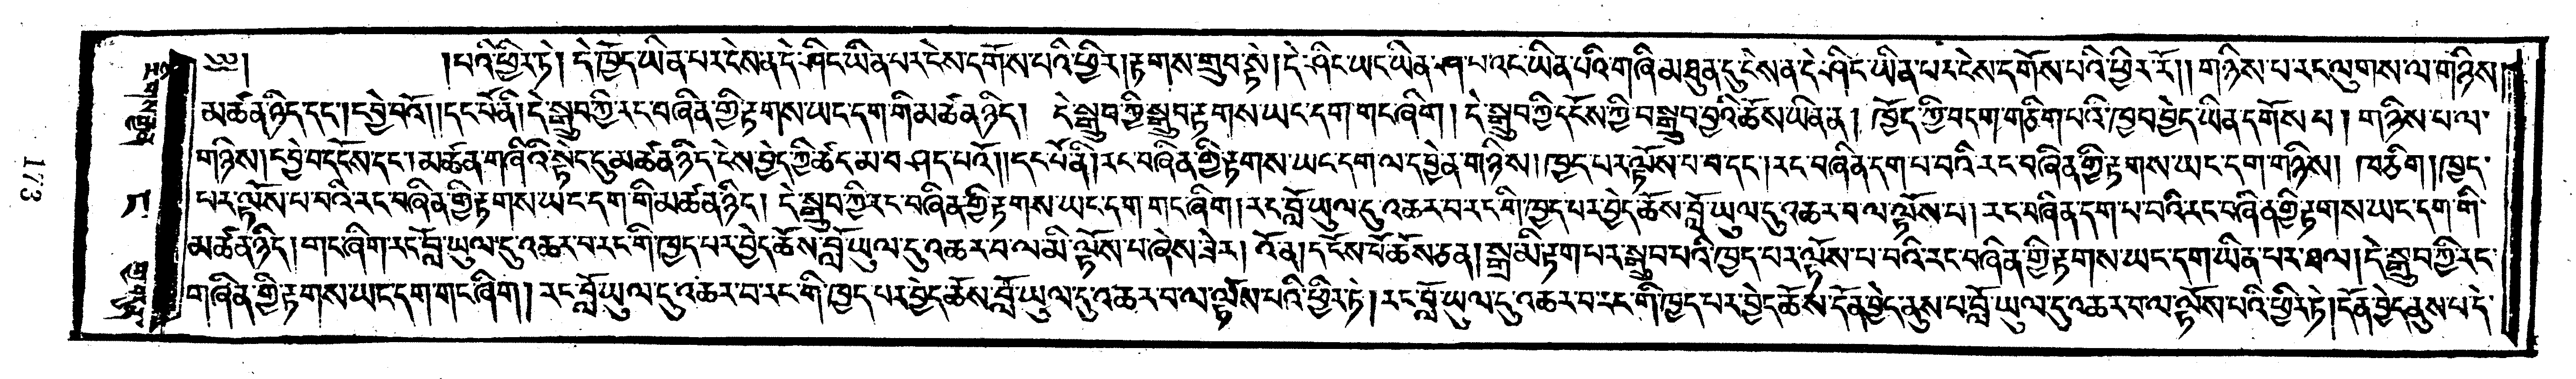༄༅། །པའི་ཕྱིར་ཏེ། དེ་ཁྱོད་ཡིན་པར་ངེས་ན་དེ་ཤིང་ཡིན་པར་ངེས་དགོས་པའི་ཕྱིར། རྟགས་གྲུབ་སྟེ། དེ་ཤིང་ཡང་ཡིན་ཤ་པའང་ཡིན་པའི་གཞི་མཐུན་དུ་ངེས་ན་དེ་ཤིང་ཡིན་པར་ངེས་དགོས་པའི་ཕྱིར་རོ། །གཉིས་པ་རང་ལུགས་ལ་གཉིས།
མཚན་ཉིད་དང་། དབྱེ་བའི། །དང་པོ་ནི། དེ་སྒྲུབ་ཀྱི་རང་བཞིན་གྱི་རྟགས་ཡང་དག་གི་མཚན་ཉིད། དེ་སྒྲུབ་ཀྱི་སྒྲུབ་རྟགས་ཡང་དག་གང་ཞིག། དེ་སྒྲུབ་ཀྱི་དངོས་ཀྱི་བསྒྲུབ་བྱའི་ཆོས་ཡིན་ན། ཁྱོད་ཀྱི་བདག་གཅིག་པའི་ཁྱབ་བྱེད་ཡིན་དགོས་པ། གཉིས་པ་ལ་
གཉིས། དབྱེ་བ་དངོས་དང་། མཚན་གཞིའི་སྟེང་དུ་མཚན་ཉིད་ངེས་བྱེད་ཀྱི་ཚད་མ་བཤད་པའོ། །དང་པོ་ནི། རང་བཞིན་གྱི་རྟགས་ཡང་དག་ལ་དབྱེ་ན་གཉིས། ཁྱད་པར་ལྟོས་པ་བ་དང་། རང་བཞིན་དག་པ་བའི་རང་བཞིན་གྱི་རྟགས་ཡང་དག་གཉིས། ཁ་ཅིག། ཁྱད་
པར་ལྟོས་པ་བའི་རང་བཞིན་གྱི་རྟགས་ཡང་དག་གི་མཚན་ཉིད། དེ་སྒྲུབ་ཀྱི་རང་བཞིན་གྱི་རྟགས་ཡང་དག་གང་ཞིག །རང་བློ་ཡུལ་དུ་འཆར་བ་རང་གི་ཁྱད་པར་བྱེད་ཆོས་བློས་ཡུལ་དུ་འཆར་བ་ལ་ལྟོས་པ། རང་བཞིན་དག་པ་བའི་རང་བཞིན་གྱི་རྟགས་ཡང་དག་གི་
མཚན་ཉིད། གང་ཞིག་རང་བློ་ཡུལ་དུ་འཆར་བ་རང་གི་ཁྱད་པར་བྱེད་ཆོས་བློ་ཡུལ་དུ་འཆར་བ་ལ་མི་ལྟོས་པ་ཞེས་ཟེར། འོ་ན། དངོས་པོ་ཆོས་ཅན། སྒྲ་མི་རྟག་པར་སྒྲུབ་པའི་ཁྱད་པར་ལྟོས་པ་བའི་རང་བཞིན་གྱི་རྟགས་ཡང་དག་ཡིན་པར་ཐལ། དེ་སྒྲུབ་ཀྱི་རང་
བཞིན་གྱི་རྟགས་ཡང་དག་གང་ཞིག། རང་བློ་ཡུལ་དུ་འཆར་བ་རང་གི་ཁྱད་པར་བྱེད་ཆོས་བློ་ཡུལ་དུ་འཆར་བ་ལ་ལྟོས་པའི་ཕྱིར་ཏེ། རང་བློ་ཡུལ་དུ་འཆར་བ་རང་གི་ཁྱད་པར་བྱེད་ཆོས་དོན་བྱེད་ནུས་པ་བློ་ཡུལ་དུ་འཆར་བ་ལ་ལྟོས་པའི་ཕྱིར་ཏེ། དོན་བྱེད་ནུས་པ་དེ་